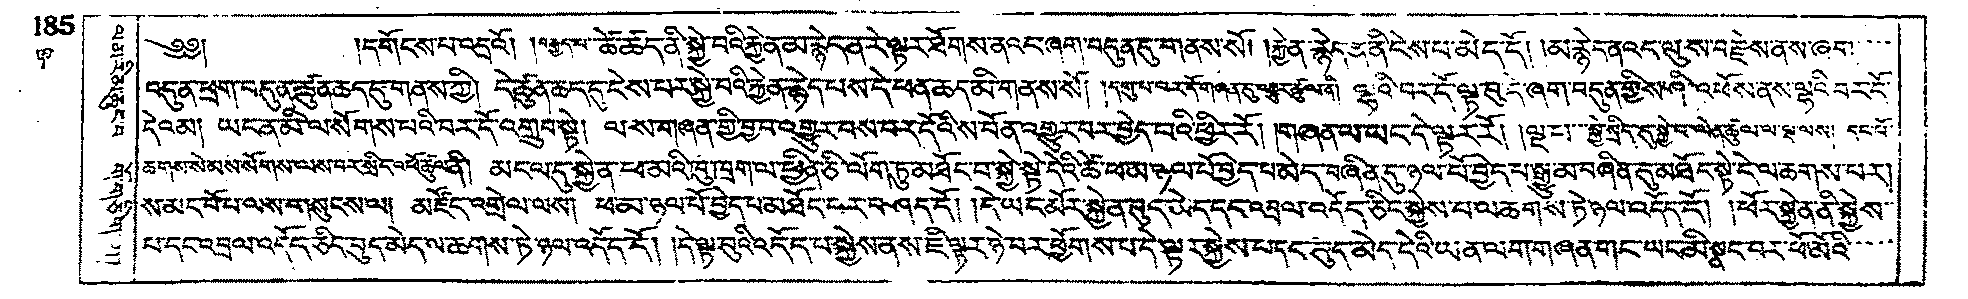༄༅། །དགོངས་པ་འདྲའོ། །བརྒྱད་པ་ཚེ་ཚད་ནི་སྐྱེ་བའི་རྐྱེན་མ་རྙེད་ན་རེ་ལྟར་ཐོགས་ནའང་ཞག་བདུན་དུ་གནས་སོ། །རྐྱེན་རྙེད་ན་ནི་ངེས་པ་མེད་དོ། །མ་རྙེད་ནའང་ལུས་བརྗེས་ནས་ཞག་
བདུན་ཕྲག་བདུན་ཚུན་ཆད་དུ་གནས་ཀྱི། དེ་ཚུན་ཆད་དུ་ངེས་པར་སྐྱེ་བའི་རྐྱེན་རྙེད་པས་དེ་ཕན་ཆད་མི་གནས་སོ། །དགུ་པ་བར་དོ་གཞན་དུ་འགྱུར་ཚུལ་ནི།  ལྷའི་བར་དོ་ལྟ་བུ་དེ་ཞག་བདུན་གྱིས་ཤི་འཕོས་ནས་ལྷའི་བར་དོ་
དེའམ། ཡང་ན་མི་ལ་སོགས་པའི་བར་དོ་འགྲུབ་སྟེ། ལས་གཞན་གྱི་བྱ་བ་འགྱུར་བས་བར་དོའི་ས་བོན་འགྱུར་བར་བྱེད་པའི་ཕྱིར་རོ། །གཞན་ལ་ཡང་དེ་ལྟར་རོ། །ལྔ་པསྐྱེ་སྲིད་དུ་སྐྱེ་བ་ལེན་ཚུལ་ལ་ལྔ་ལས། དང་པོ་
ཆགས་སེམས་སོགས་ལས་བར་སྲིད་འཕོ་ཚུལ་ནི། མངལ་དུ་སྐྱེ་ན་ཕ་མའི་ཁུ་ཁྲག་ལ་ཕྱིན་ཅི་ལོག་ཏུ་མཐོང་བ་སྐྱེ་སྟེ་དེའི་ཚེ་ཕ་མ་ཉལ་པོ་བྱེད་པ་མེད་བཞིན་དུ་ཉལ་པོ་བྱེད་པ་སྒྱུ་མ་བཞིན་དུ་མཐོང་སྟེ་དེ་ལ་ཆགས་པར།
ས་མང་པོ་པ་ལས་གསུངས་ལ། མཛོད་འགྲེལ་ལས། ཕ་མ་ཉལ་པོ་བྱེད་པ་མཐོང་བར་བཤད་དོ། །དེ་ཡང་མོར་སྐྱེ་ན་བུད་མེད་དང་འབྲལ་འདོད་ཅིང་སྐྱེས་པ་ལ་ཆགས་ཏེ་ཉལ་འདོད་དོ། །ཕོར་སྐྱེ་ན་ནི་སྐྱེས་
པ་དང་འབྲལ་འདོད་ཅིང་བུད་མེད་ལ་ཆགས་ཏེ་ཉལ་འདོད་དོ། །དེ་ལྟ་བུའི་འདོད་པ་སྐྱེས་ནས་ཇི་ལྟར་ཉེ་བར་ཕྱོགས་པ་དེ་ལྟར་སྐྱེས་པ་དང་བུད་མེད་དེའི་ཡན་ལག་གཞན་གང་ཡང་མི་སྣང་བར་ཕོ་མོའི་